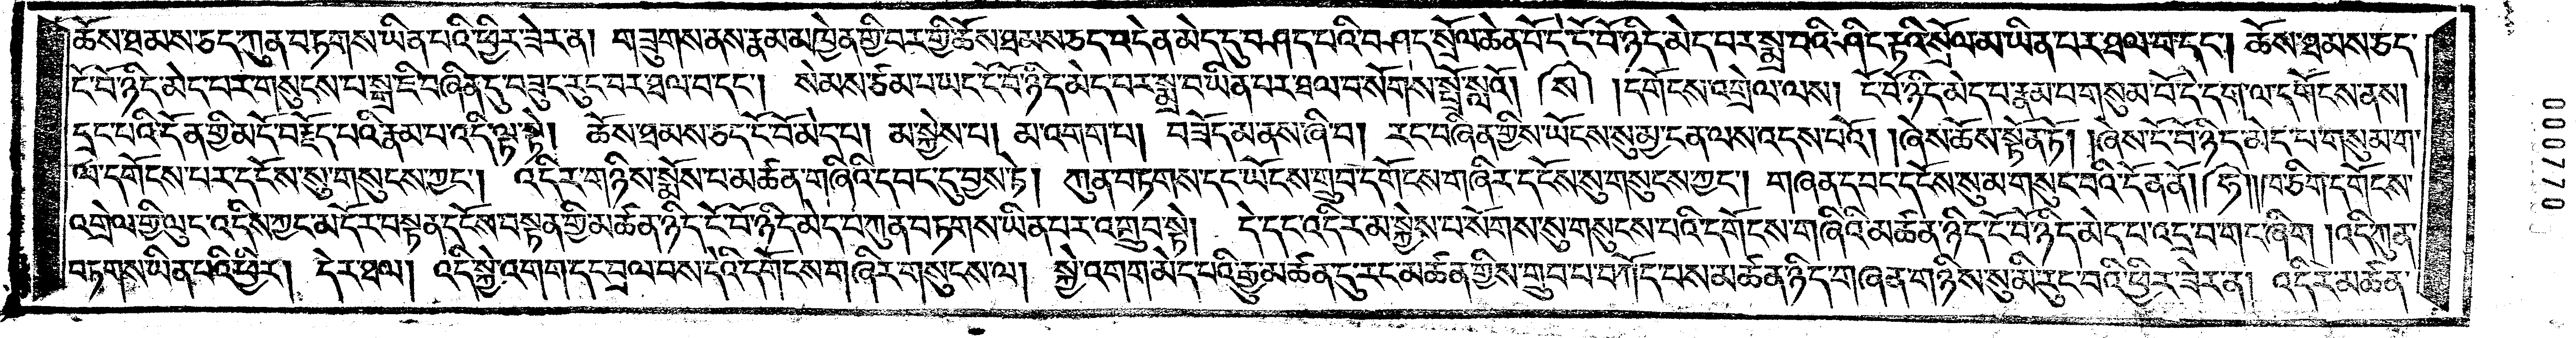ཆོས་ཐམས་ཅད་ཀུན་བཏགས་ཡིན་པའི་ཕྱིར་ཟེར་ན། གཟུགས་ནས་རྣམ་མཁྱེན་གྱི་བར་གྱི་ཆོས་ཐམས་ཅད་བདེན་མེད་དུ་བཤད་པའི་བཤད་སྲོལ་ཆེན་པོ་དེ་ངོ་བོ་ཉིད་མེད་པར་སྨྲ་བའི་ཤིང་རྟའི་སྲོལ་མ་ཡིན་པར་ཐལ་བ་དང་། ཆོས་ཐམས་ཅད་
ངོ་བོ་ཉིད་མེད་པར་གསུངས་པ་སྒྲ་ཇི་བཞིན་དུ་བཟུང་རུང་བར་ཐལ་བ་དང་། སེམས་ཙམ་པ་ཡང་ངོ་བོ་ཉིད་མེད་པར་སྨྲ་བ་ཡིན་པར་ཐལ་བ་སོགས་སྤྲོ་སླའོ། ༼ས༽ །དགོངས་འགྲེལ་ལས། ངོ་བོ་ཉིད་མེད་པ་རྣམ་པ་གསུམ་པོ་དེ་དག་ལ་དགོངས་ནས།
དྲང་བའི་དོན་གྱི་མདོ་བརྗོད་པའི་རྣམ་པ་འདི་ལྟ་སྟེ། ཆོས་ཐམས་ཅད་ངོ་བོ་མེད་པ། མ་སྐྱེས་པ། མ་འགག་པ། བཟོང་མ་ནས་ཞི་བ། རང་བཞིན་གྱིས་ཡོངས་སུ་མྱ་ངན་ལས་འདས་པའོ། །ཞེས་ཆོས་སྟོན་ཏོ། །ཞེས་ངོ་བོ་ཉིད་མེད་པ་གསུམ་ག་
ལ་དགོངས་པར་དངོས་སུ་གསུངས་ཀྱང་། འདིར་གཉིས་སྨོས་པ་མཚན་གཞིའི་དབང་དུ་བྱས་ཏེ། ཀུན་བཏགས་དང་ཡོངས་གྲུབ་དགོངས་གཞིར་དངོས་སུ་གསུངས་ཀྱང་། གཞན་དབང་དངོས་སུ་མ་གསུང་བའི་དོན་ནོ། ༼ཧ༽ །ཁ་ཅིག་དགོངས་
འགྲེལ་གྱི་ལུང་འདིས་ཀྱང་མདོར་བསྟན་དངོས་བསྟན་གྱི་མཚན་ཉིད་ངོ་བོ་ཉིད་མེད་པ་ཀུན་བཏགས་ཡིན་པར་འགྲུབ་སྟེ། དེ་དང་འདིར་མ་སྐྱེས་པ་སོགས་སུ་གསུངས་པའི་དགོངས་གཞིའི་མཚན་ཉིད་ངོ་བོ་ཉིད་མེད་པ་འདྲ་བ་གང་ཞིག །འདི་ཀུན་
བཏགས་ཡིན་པའི་ཕྱིར། དེར་ཐལ། འདི་སྐྱེ་འགག་དང་བྲལ་བས་དེའི་དགོངས་གཞིར་གསུངས་ལ། སྐྱེ་འགག་མེད་པའི་རྒྱུ་མཚན་དུ་རང་མཚན་གྱིས་གྲུབ་པ་བཀོད་པས་མཚན་ཉིད་གཞན་གཉིས་སུ་མི་རུང་བའི་ཕྱིར་ཟེར་ན། འདིར་མཚན་